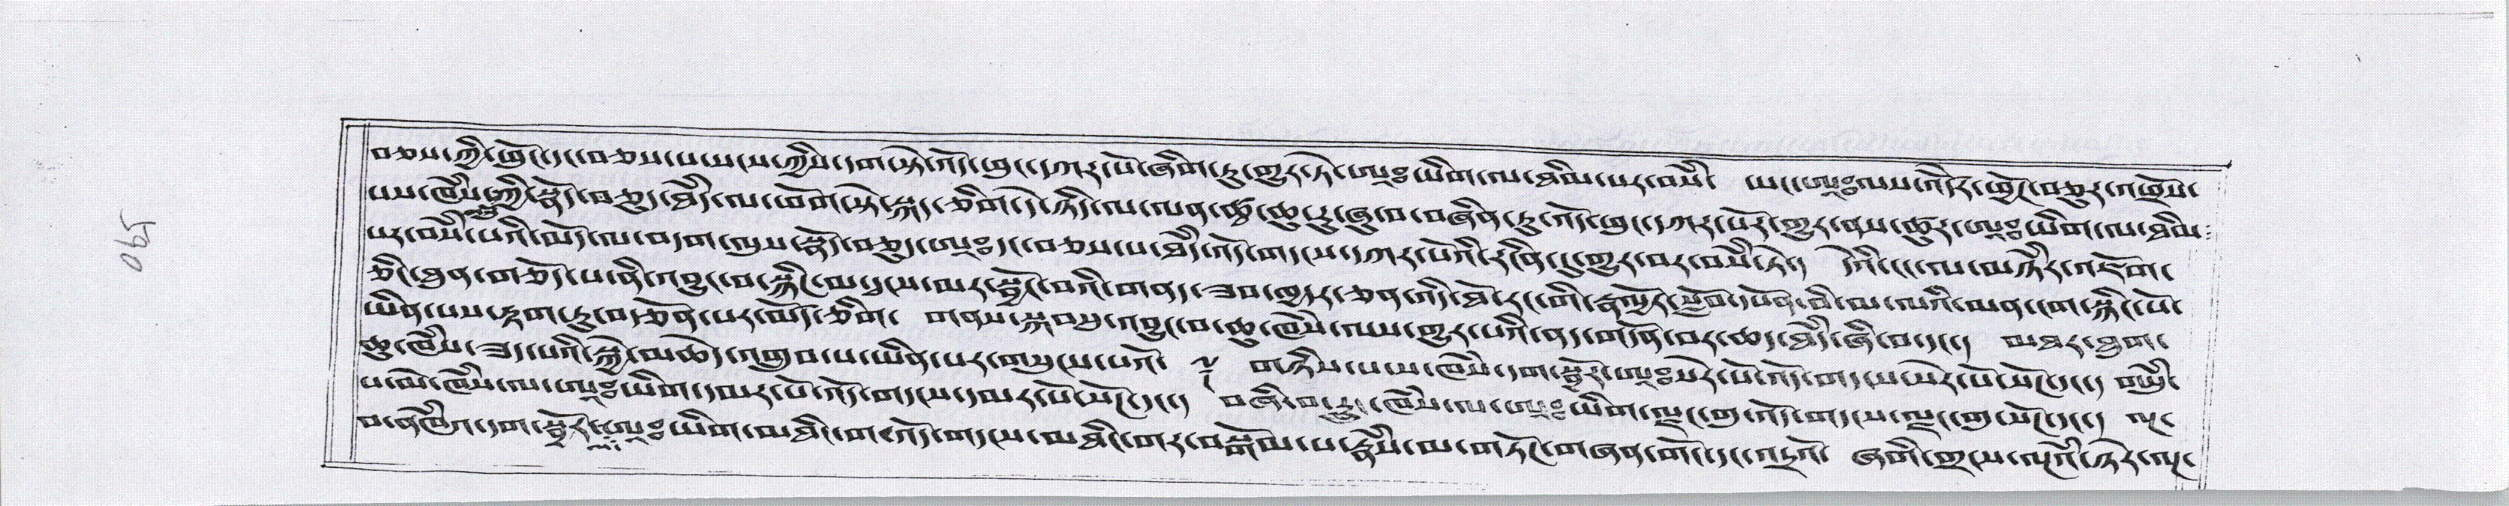བཅས་ཀྱི་ཕུང་པོ་དང་བཅས་པ་སངས་ཀྱིས་དག་སྟེ། འོད་ཕུང་དཀར་པོ་ཞིག་ཏུ་གྱུར་ཏེ་ཨཱཿཡིག་ལ་ཐིམ་པར་བསམ། ཡང་ཨཱཿལས་འོད་ཟེར་ཕྱོགས་བཅུར་འཕྲོས་
པས་ཁམས་གསུམ་གྱི་སྣོད་བཅུད་ཐམས་ཅད་ལ་ཕོག་སྟེ་སྐད་ཅིག་དེ་ཉིད་ལ་ལན་ཚྭ་ཆུ་རུ་ཞུ་བ་བཞིན་དུ་འོད་ཕུང་དཀར་པོར་གྱུར་ནས་ཚུར་ཨཱཿཡིག་ལ་ཐིམ་
པར་བསམ་པའི་མོད་ལ་བདག་ལུས་སྣོད་བཅུད་ཨཱཿདང་བཅས་པ་ཐམས་ཅད་འོད་གདངས་དཀར་པོའི་རང་བཞིན་དུ་གྱུར་པར་བསམ་ཏེ། དེའི་ངང་ལ་མཉམ་པར་འཇོག་
ཅིང་ཐུན་གཅོད་པ་ནི་འབྱུང་བ་སྙིགས་མ་དྭངས་མར་སྦྱོང་བའི་གནད་ཟབ་ཁྱད་པར་ཅན་འདི་ཐོ་རངས་ཀྱི་རྣལ་འབྱོར་སློབ་དཔོན་བི་མ་ལའི་མན་ངག་སྙིང་པོ་
ཡིན་པས་རྟག་ཏུ་བརྩོན་པར་མཛོད་ཅིག །གནས་སྐབས་སུ་འབྱུང་བ་ཆུ་ཁམས་ལས་གྱུར་པའི་ནད་གདོན་བར་ཆོད་ཐམས་ཅད་ཞི་བ་དང་། མཐར་ཐུག་
ཆ་ཁམས་ཟད་པའི་སྐྱེ་མཆེད་འགྲུབ་པ་ཡིན་པར་གསུངས་སོ། ༧ གཉིས་པ་ས་ཁམས་དག་སྦྱོར་ཨ་སེར་པོ་འོད་མདངས་སེར་པོ་སོགས་དང་། གསུམ་
པ་མེ་ཁམས་ལ་ཨཱཿཡིག་དམར་པོ་འོད་མདངས་དམར་པོ་སོགས་དང་། བཞི་པ་རླུང་ཁམས་ལ་ཨཱཿཡིག་ལྗང་ཁུ་འོད་མདངས་ལྗང་ཁུ་སོགས་དང་། ལྔ་
པ་ནམ་མཁའ་དག་སྦྱོར་ལ་ཨཱཿཡིག་མཐིང་ཁ་འོད་མདངས་མཐིང་ཁར་བསྒོམ་པ་རྣམས་མ་གཏོགས་གཞན་གོང་དང་འདྲའོ། ཞག་གི་གྲངས་ལྔའམ་ཉེར་ལྔ་